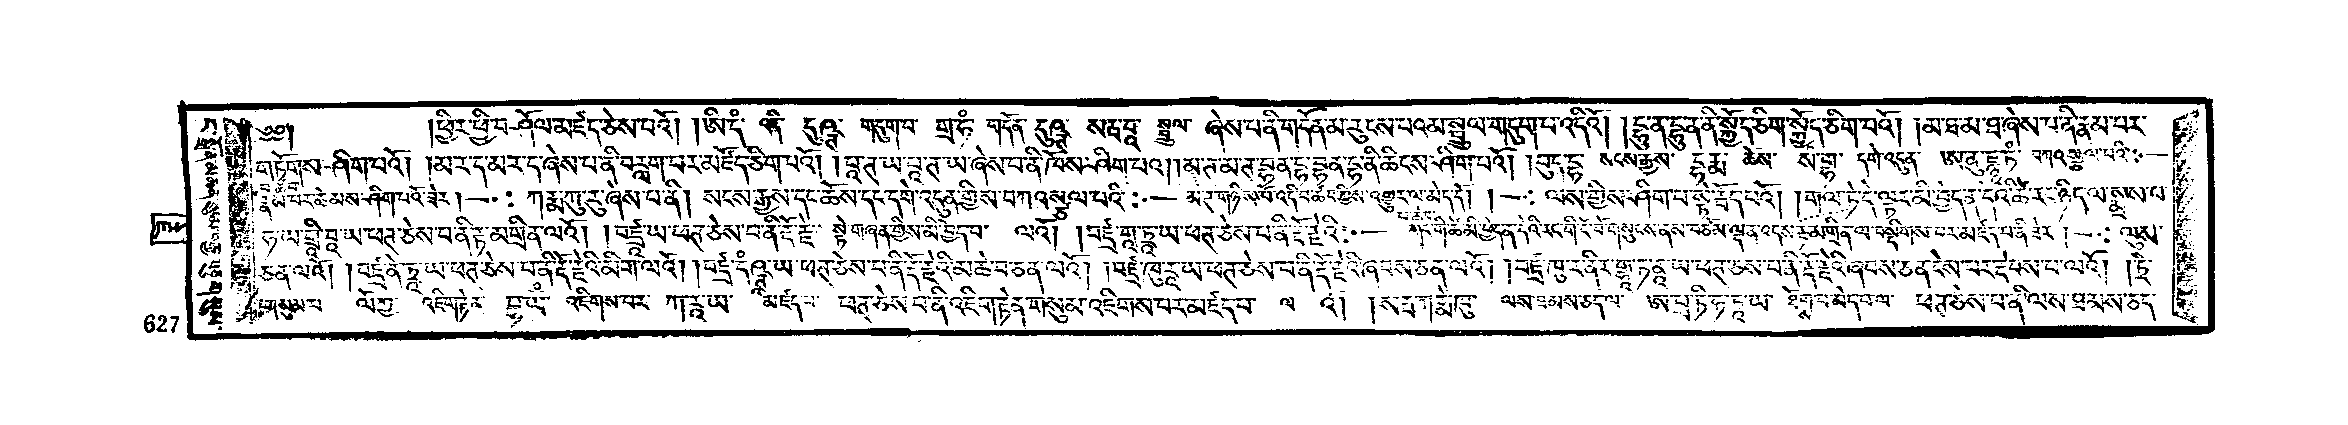༄༅། །ཕྱིར་ཕྱི་བཤོལ་མཛད་ཅེས་པའོ། །ཨི་དཾ་འདི་དུ་ཥྚ་གདུག་པ་གྲ་ཧཾ་གདོན་དུ་ཥྚ་སརྦ་བཱ་སྦྲུལ་ཞེས་པ་ནི་གདོན་མ་རུངས་པའམ་སྦྲུལ་གདུག་པ་འདིའོ། །དྷུ་ན་དྷུ་ན་ནི་སྐྱོད་ཅིག་སྐྱེད་ཅིག་པའོ། །མ་ཐ་མ་ཐ་ཞེས་པ་ནི་རྣམ་པར་
གཏོགས་ཤིག་པའོ། །མ་ར་ད་མ་ར་ད་ཞེས་པ་ནི་བརླག་པར་མཛོད་ཅིག་པའོ། །པཱ་ཊ་ཡ་པཱ་ཊ་ཡ་ཞེས་པ་ནི་ཁོས་ཤིག་པའོ། །མ་ཊ་མ་ཊ་བྷ་ན་དྷ་བྷ་ན་དྷ་ནི་ཆིངས་ཤིག་པའོ། །བུད་དྷ་སངས་རྒྱས་དྷརྨ་ཆོས་སཾ་གྷ་དགེ་འདུན་ཨ་ནུ་ཛྙཱ་ཏཾ་བཀའ་སྩལ་བའི་H.
པ་ཚབ་རྣམ་པར་ཚམས་ཤིག་པའོ་ཟེར། .H ཀརྨ་ཀུ་རུ་ཞེས་པ་ནི། སངས་རྒྱས་དང་ཆོས་དང་དགེ་འདུན་གྱིས་བཀའ་སྩལ་བའི་H.་མ་ཌ་གཉིས་པོ་འདི་པ་ཚབ་ཀྱིས་འགྱུར་ལ་མེད་དོ། ། .H ལས་ཀྱིས་ཤིག་པ་སྟེ་རྦོད་པའོ། །གལ་ཏེ་དེ་ལྟར་མི་བྱེད་ན་དེའི་ཚེ་རང་ཉིད་ལ་སྨྲས་པ་
ཧ་ཡ་གྲཱི་བཱ་ཡ་ཕཊ་ཅེས་པ་ནི་རྟ་མགྲིན་ལའོ། །བཛྲཱ་ཡ་ཕཊ་ཅེས་པ་ནི་རྡོ་རྗེ་སྟེ་གཞན་གྱིས་མི་བྱེད་པ་ལའོ། །བཛྲ་གཱ་ཏྲཱ་ཡ་ཕཊ་ཅེས་པ་ནི་རྡོ་རྗེའི་H.་པ་ཚབ་གང་གི་ཚེ་མི་བྱེད་ན་དེའི་རང་གི་ངོ་བོ་གསུངས་ནས་བཅོམ་ལྡན་འདས་རྟ་མགྲིན་ལ་བསྡིགས་པར་མཛད་པ་ནི་ཟེར། .H ལུས་
ཅན་ལའོ། །བཛྲ་ནི་ཏྲཱ་ཡ་ཕཊ་ཅེས་པ་ནི་རྡོ་རྗེའི་མིག་ལའོ། །བཛྲ་དཾཥྚ་ཡ་ཕཊ་ཅེས་པ་ནི་རྡོ་རྗེའི་མཆེ་བ་ཅན་ལའོ། །བཛྲ་ཁུ་རཱ་ཡ་ཕཊ་ཅེས་པ་ནི་རྡོ་རྗེའི་ཞབས་ཅན་ལའོ། །བཛྲ་ཁུ་ར་ནིར་གྷཱ་ཏ་ནཱ་ཡ་ཕཊ་ཅས་པ་ནི་རྡོ་རྗེའི་ཞབས་ཅན་ངེས་པར་རྡེབས་པ་ལའོ། །ཏྲཻ་
གསུམ་པ་ལོ་ཀྱ་འཇིག་རྟེན་བྷ་ཡཾ་འཇིགས་པར་ཀ་རཱ་ཡ་མཛད་པ་ཕཊ་ཅེས་པ་ནི་འཇིག་རྟེན་གསུམ་འཇིགས་པར་མཛད་པ་ལ་འོ། །སརྦ་ཀརྨེ་ཁུ་ལས་ཐམས་ཅད་ལ་ཨ་པྲ་ཏི་ཧ་ཏཱ་ཡ་ཐོགས་པ་མེད་པ་ལ་ཕཊ་ཅེས་པ་ནི་ལས་ཐམས་ཅད་